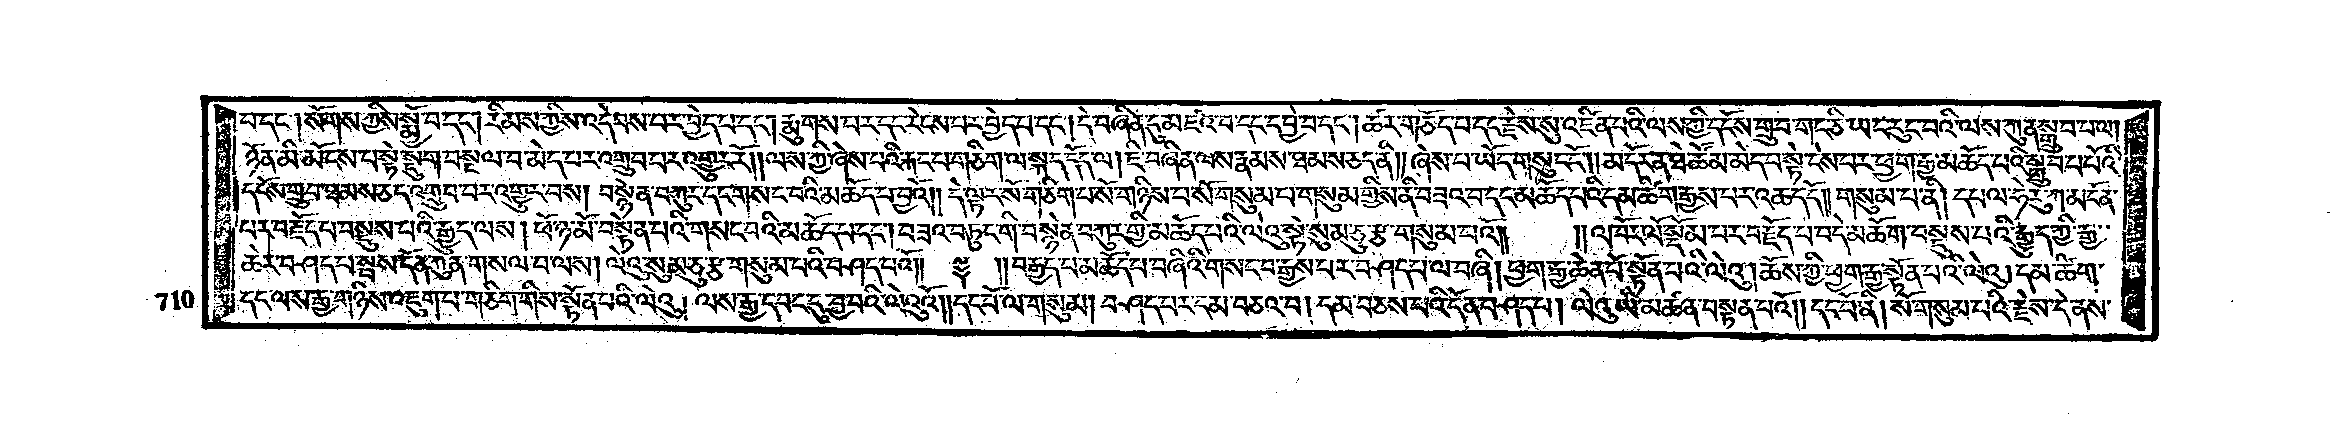པ་དང་། སོགས་ཀྱིས་སྨྱོ་བ་དང་། རིམས་ཀྱིས་འདེབས་པར་བྱེད་པ་དང་། རྨུགས་པར་དང་རེངས་པར་བྱེད་པ་དང་། དེ་བཞིན་དུ་མཛའ་བ་དང་དབྱེ་བ་དང་། ཚར་གཅོད་པ་དང་རྗེས་སུ་འཛིན་པའི་ལས་ཀྱི་དངོས་གྲུབ་གང་ཅི་ཡང་རུང་བའི་ལས་ཀུན་སྒྲུབ་པ་ལ།
ཉོན་མི་མོངས་པ་སྟེ་སྡུག་བསྔལ་བ་མེད་པར་འགྲུབ་པར་འགྱུར་རོ། །ལས་ཀྱི་ཞེས་པའི་རྐང་པ་གཅིག་ལ་སྐད་དོད་ལ། ཇི་བཞིན་ལས་རྣམས་ཐམས་ཅད་ནི། །ཞེས་པ་ཡོད་གསུང་ངོ། །མདོར་ན་ཐེ་ཚོམ་མེད་པ་སྟེ་ངེས་པར་ཕྱག་རྒྱ་མཆོད་པའི་སྒྲུབ་པ་པོའི་
དངོས་གྲུབ་ཐམས་ཅད་འགྲུབ་པར་འགྱུར་བས། བསྙེན་བཀུར་དང་གསང་བའི་མཆོད་པ་བྱའོ། །དེ་ལྟར་སོ་གཅིག་པ་སོ་གཉིས་པ་སོ་གསུམ་པ་གསུམ་གྱིས་ནི་བཟའ་བ་དང་མཆོད་པའི་དམ་ཚིག་རྒྱས་པར་འཆད་དོ། །གསུམ་པ་ནི། དཔལ་ཧེ་རུ་ཀ་མངོན་
པར་བརྗོད་པ་བསྡུས་པའི་རྒྱུད་ལས། ཕོ་ཉ་མོ་བསྟེན་པའི་གསང་བའི་མཆོད་པ་དང་། བཟའ་བཏུང་གི་བསྙེན་བཀུར་གྱི་མཆོད་པའི་ལེའུ་སྟེ་སུམ་ཅུ་རྩ་གསུམ་པའོ།། །།འཁོར་ལོ་སྡོམ་པར་བརྗོད་པ་བདེ་མཆོག་བསྡུས་པའི་རྒྱུད་ཀྱི་རྒྱ་
ཆེར་བཤད་པ་སྦས་དོན་ཀུན་གསལ་བ་ལས། ལེའུ་སུམ་ཅུ་རྩ་གསུམ་པའི་བཤད་པའོ།། ༈ །།བརྒྱད་པ་མཆོད་པ་བཞིའི་གསང་བ་རྒྱས་པར་བཤད་པ་ལ་བཞི། ཕྱག་རྒྱ་ཆེན་པོ་སྟོན་པའི་ལེའུ། ཆོས་ཀྱི་ཕྱག་རྒྱ་སྟོན་པའི་ལེའུ། དམ་ཚིག་
དང་ལས་རྒྱ་གཉིས་འཇུག་པ་གཅིག་གིས་སྟོན་པའི་ལེའུ། ལས་རྒྱ་དབང་དུ་བྱ་བའི་ལེའུའོ། །དང་པོ་ལ་གསུམ། བཤད་པར་དམ་བཅའ་བ། དམ་བཅས་པའི་དོན་བཤད་པ། ལེའུ་ཡི་མཚན་བསྟན་པའོ། །དང་པོ་ནི། སོ་གསུམ་པའི་རྗེས་དེ་ནས་